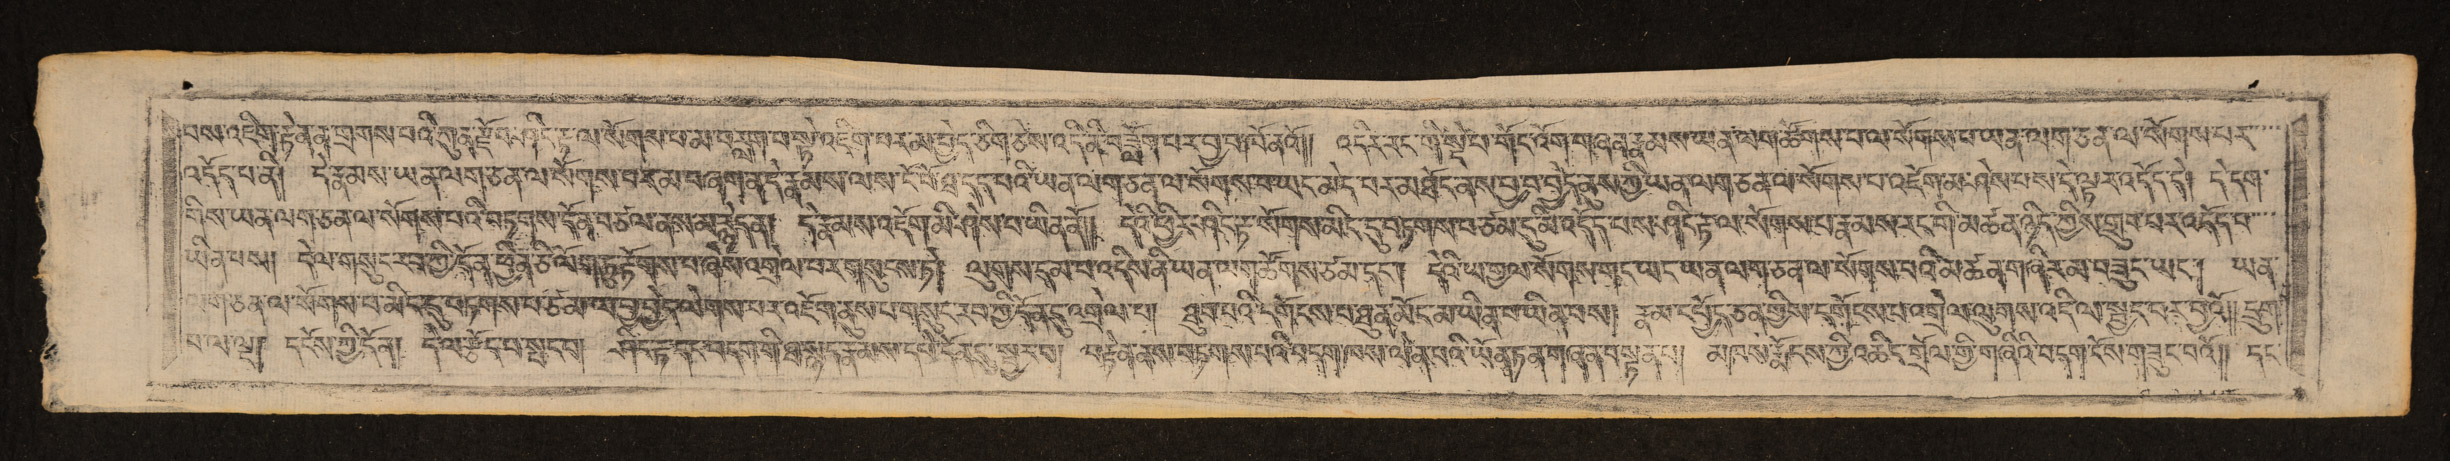བས་འཇིག་རྟེན་ན་གྲགས་པའི་ཀུན་རྫོབ་ཤིང་རྟ་ལ་སོགས་པ་མ་བརླག་པ་སྟེ་འཇིག་པར་མ་བྱེད་ཅིག་ཅེས་འདི་ནི་བཟློག་པར་བྱ་བ་ཁོ་ནའོ།། འདིར་རང་གི་སྡེ་པ་གོང་འོག་གཞན་རྣམས་ཡན་ལག་ཚོགས་པ་ལ་སོགས་པ་ཡན་ལག་ཅན་ལ་སོགས་པར་
འདོད་པ་ནི། དེ་རྣམས་ཡན་ལག་ཅན་ལ་སོགས་པར་མ་བཞག་ན་དེ་རྣམས་ལས་ངོ་བོ་ཐ་དད་པའི་ཡན་ལག་ཅན་ལ་སོགས་པ་ཡང་མེད་པར་མཐོང་ནས་བྱ་བ་བྱེད་ནུས་ཀྱི་ཡན་ལག་ཅན་ལ་སོགས་པ་འཇོག་མ་ཤེས་པས་དེ་ལྟར་འདོད་དེ། དེ་དག་
གིས་ཡན་ལག་ཅན་ལ་སོགས་པའི་བཏགས་དོན་བཙལ་ནས་མ་རྙེད་ན། དེ་རྣམས་འཇོག་མི་ཤེས་པ་ཡིན་ནོ།། དེའི་ཕྱིར་ཤིང་རྟ་སོགས་མིང་དུ་བཏགས་པ་ཙམ་དུ་མི་འདོད་པས་ཤིང་རྟ་ལ་སོགས་པ་རྣམས་རང་གི་མཚན་ཉིད་ཀྱིས་གྲུབ་པར་འདོད་པ་
ཡིན་པས། དེ་ལ་གསུང་རབ་ཀྱི་དོན་ཕྱིན་ཅི་ལོག་ཏུ་རྟོགས་པ་ཞེས་འགྲེལ་པར་གསུངས་ཏེ། ལུགས་དམ་པ་འདིས་ནི་ཡན་ལག་ཚོགས་ཙམ་དང་། དེའི་ཡ་གྱལ་སོགས་གང་ཡང་ཡན་ལག་ཅན་ལ་སོགས་པའི་མཚན་གཞིར་མ་བཟུང་ཡང་། ཡན་
ལག་ཅན་ལ་སོགས་པ་མིང་དུ་བཏགས་པ་ཙམ་ལ་བྱ་བྱེད་ལེགས་པར་འཇོག་ནུས་པ་གསུང་རབ་ཀྱི་དོན་དུ་འགྲེལ་པ། ཐུབ་པའི་དགོངས་པ་ཐུན་མོང་མ་ཡིན་པ་ཡིན་པས། རྣམ་དཔྱོད་ཅན་གྱིས་དགོངས་པ་འགྲེལ་ལུགས་འདི་ལ་སྦྱང་བར་བྱའོ།། དྲུག་
པ་ལ་ལྔ། དངོས་ཀྱི་དོན། དེ་ལ་རྩོད་པ་སྤང་བ། ཤིང་རྟ་དང་བདག་གི་ཐ་སྙད་རྣམས་དཔེ་དོན་དུ་སྦྱར་བ། བརྟེན་ནས་བཏགས་པའི་བདག་ཁས་ལེན་པའི་ཡོན་ཏན་གཞན་བསྟན་པ། མཁས་རྨོངས་ཀྱི་འཆིང་གྲོལ་གྱི་གཞིའི་བདག་ངོས་གཟུང་བའོ།། དང་